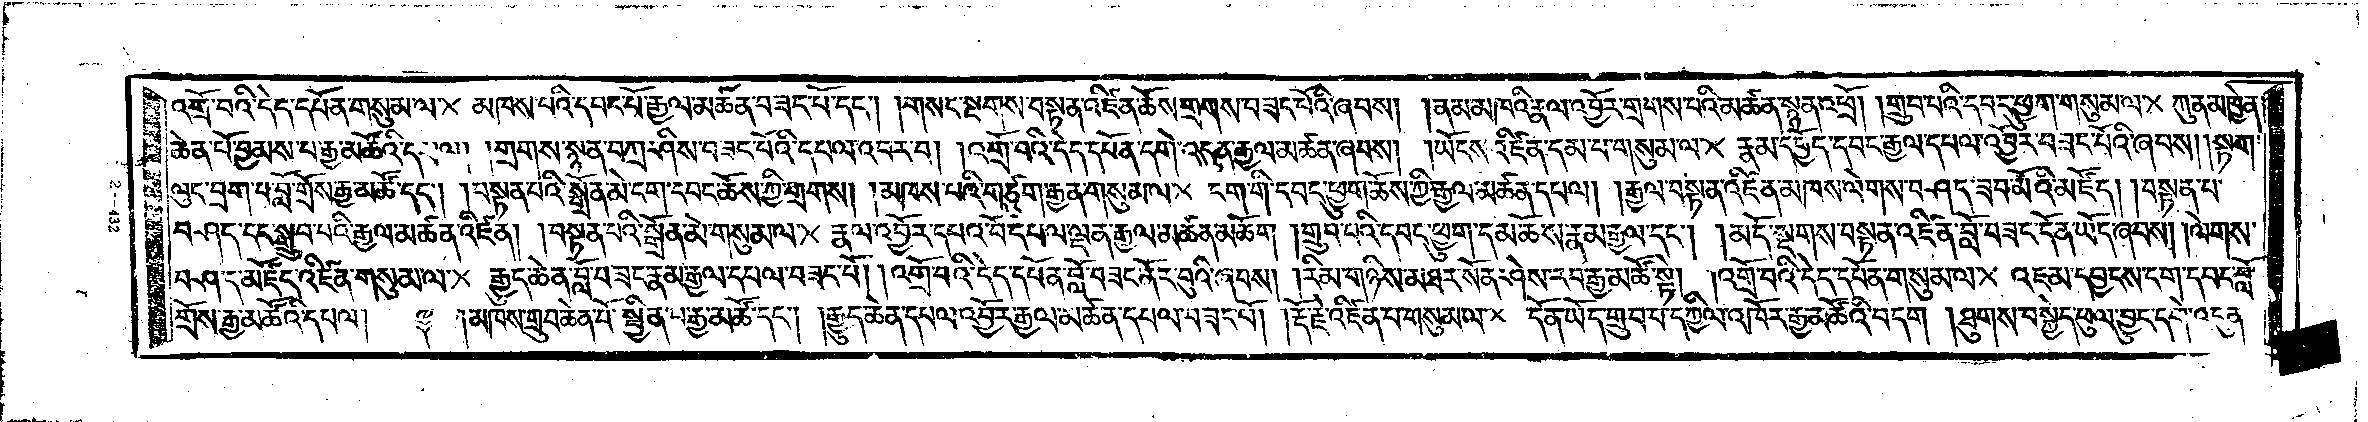འགྲོ་བའི་དེད་དཔོན་གསུམ་ལ་྾་མཁས་པའི་དབང་པོ་རྒྱལ་མཚན་བཟང་པོ་དང་། །གསང་སྔགས་བསྟན་འཛིན་ཆོས་གྲགས་བཟང་པོའི་ཞབས། །ནམ་མཁའི་རྣལ་འབྱོར་གྲགས་པའི་མཚན་སྙན་འཕྲོ། །གྲུབ་པའི་དབང་ཕྱུག་གསུམ་ལ་྾་ཀུན་མཁྱེན་
ཆེན་པོ་བྱམས་པ་རྒྱ་མཚོའི་དཔལ། །གྲགས་སྙན་བཀྲ་ཤིས་བཟང་པོའི་དཔལ་འབར་བ། །འགྲོ་བའི་དེད་དཔོན་དགེ་འདུན་རྒྱལ་མཚན་ཞབས། །ཡོངས་འཛིན་དམ་པ་གསུམ་ལ་྾་རྣམ་དཔྱོད་དབང་རྒྱལ་དཔལ་འབྱོར་བཟང་པོའི་ཞབས། །སྟག་
ལུང་བྲག་པ་བློ་གྲོས་རྒྱ་མཚོ་དང་། །བསྟན་པའི་སྒྲོན་མེ་ངག་དབང་ཆོས་ཀྱི་གྲགས། །མཁས་པའི་གཙུག་རྒྱན་གསུམ་ལ་྾་ངག་གི་དབང་ཕྱུག་ཆོས་ཀྱི་རྒྱལ་མཚན་དཔལ། །རྒྱལ་བསྟན་འཛིན་མཁས་ལེགས་བཤད་ཟབ་མོའི་མཛོད། །བསྟན་པ་
བཤད་དང་སྒྲུབ་པའི་རྒྱལ་མཚན་འཛིན། །བསྟན་པའི་སྒྲོན་མེ་གསུམ་ལ་྾་རྣལ་འབྱོར་དཔའ་དཔོན་དཔལ་ལྡན་རྒྱལ་མཚན་མཆོག །གྲུབ་པའི་དབང་ཕྱུག་དམ་ཆོས་རྣམ་རྒྱལ་དང་། །མདོ་སྔགས་བསྟན་འཛིན་བློ་བཟང་དོན་ཡོད་ཞབས། །ལེགས་
བཤད་མཛོད་འཛིན་གསུམ་ལ་྾་རྒྱུད་ཆེན་བློ་བཟང་རྣམ་རྒྱལ་དཔལ་བཟང་པོ། །འགྲོ་བའི་དེད་དཔོན་བློ་བཟང་ནོར་བུའི་ཞབས། །རིམ་གཉིས་མཐར་སོན་ཤེས་རབ་རྒྱ་མཚོ་སྟེ། །འགྲོ་བའི་དེད་དཔོན་གསུམ་ལ་྾་འཇམ་དབྱངས་ངག་དབང་བློ་
གྲོས་རྒྱ་མཚོའི་དཔལ། ༈ །མཁས་གྲུབ་ཆེན་པོ་སྦྱིན་པ་རྒྱ་མཚོ་དང་། །རྒྱུད་ཆེན་དཔལ་འབྱོར་རྒྱལ་མཚན་དཔལ་བཟང་པོ། །རྡོ་རྗེ་འཛིན་པ་གསུམ་ལ་྾་དོན་ཡོད་གྲུབ་བ་དཀྱིལ་འཁོར་རྒྱ་མཚོའི་བདག །ཐུགས་བསྐྱེད་ཕུལ་བྱུང་དགེ་འདུན་